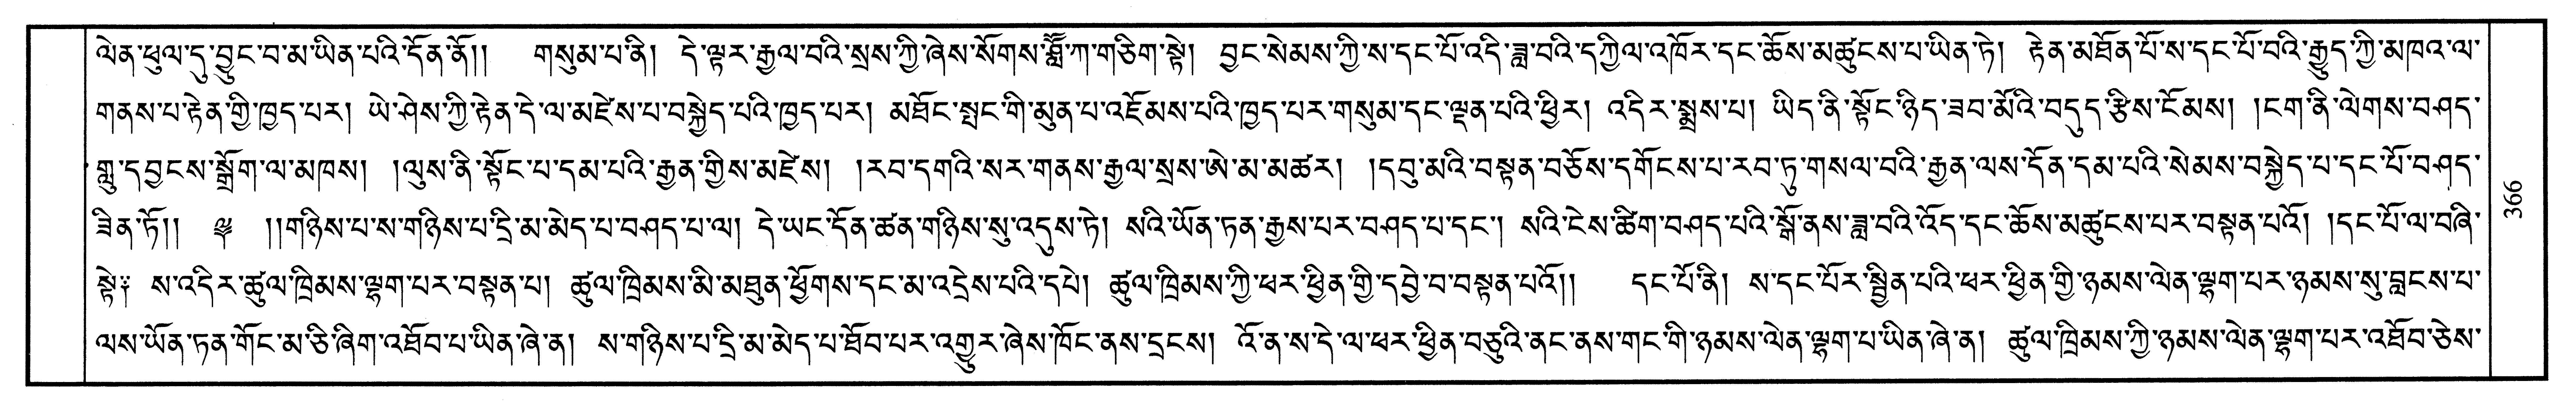ལེན་ཕུལ་དུ་བྱུང་བ་མ་ཡིན་པའི་དོན་ནོ།། གསུམ་པ་ནི། དེ་ལྟར་རྒྱལ་བའི་སྲས་ཀྱི་ཞེས་སོགས་ཤླཽ་ཀ་གཅིག་སྟེ། བྱང་སེམས་ཀྱི་ས་དང་པོ་འདི་ཟླ་བའི་དཀྱིལ་འཁོར་དང་ཆོས་མཚུངས་པ་ཡིན་ཏེ། རྟེན་མཐོན་པོ་ས་དང་པོ་བའི་རྒྱུད་ཀྱི་མཁའ་ལ་
གནས་པ་རྟེན་གྱི་ཁྱད་པར། ཡེ་ཤེས་ཀྱི་རྟེན་དེ་ལ་མཛེས་པ་བསྐྱེད་པའི་ཁྱད་པར། མཐོང་སྤང་གི་མུན་པ་འཇོམས་པའི་ཁྱད་པར་གསུམ་དང་ལྡན་པའི་ཕྱིར། འདིར་སྨྲས་པ། ཡིད་ནི་སྟོང་ཉིད་ཟབ་མོའི་བདུད་རྩིས་ངོམས། །ངག་ནི་ལེགས་བཤད་
གླུ་དབྱངས་སྒྲོག་ལ་མཁས། །ལུས་ནི་སྟོང་པ་དམ་པའི་རྒྱན་གྱིས་མཛེས། །རབ་དགའི་སར་གནས་རྒྱལ་སྲས་ཨེ་མ་མཚར། །དབུ་མའི་བསྟན་བཅོས་དགོངས་པ་རབ་ཏུ་གསལ་བའི་རྒྱན་ལས་དོན་དམ་པའི་སེམས་བསྐྱེད་པ་དང་པོ་བཤད་
ཟིན་ཏོ།། ༈ །།གཉིས་པ་ས་གཉིས་པ་དྲི་མ་མེད་པ་བཤད་པ་ལ། དེ་ཡང་དོན་ཚན་གཉིས་སུ་འདུས་ཏེ། སའི་ཡོན་ཏན་རྒྱས་པར་བཤད་པ་དང་། སའི་ངེས་ཚིག་བཤད་པའི་སྒོ་ནས་ཟླ་བའི་འོད་དང་ཆོས་མཚུངས་པར་བསྟན་པའོ། །དང་པོ་ལ་བཞི་
སྟེ༑ ས་འདིར་ཚུལ་ཁྲིམས་ལྷག་པར་བསྟན་པ། ཚུལ་ཁྲིམས་མི་མཐུན་ཕྱོགས་དང་མ་འདྲེས་པའི་དཔེ། ཚུལ་ཁྲིམས་ཀྱི་ཕར་ཕྱིན་གྱི་དབྱེ་བ་བསྟན་པའོ།། དང་པོ་ནི། ས་དང་པོར་སྦྱིན་པའི་ཕར་ཕྱིན་གྱི་ཉམས་ལེན་ལྷག་པར་ཉམས་སུ་བླངས་པ་
ལས་ཡོན་ཏན་གོང་མ་ཅི་ཞིག་འཐོབ་པ་ཡིན་ཞེ་ན། ས་གཉིས་པ་དྲི་མ་མེད་པ་ཐོབ་པར་འགྱུར་ཞེས་ཁོང་ནས་དྲངས། འོ་ན་ས་དེ་ལ་ཕར་ཕྱིན་བཅུའི་ནང་ནས་གང་གི་ཉམས་ལེན་ལྷག་པ་ཡིན་ཞེ་ན། ཚུལ་ཁྲིམས་ཀྱི་ཉམས་ལེན་ལྷག་པར་འཐོབ་ཅེས་